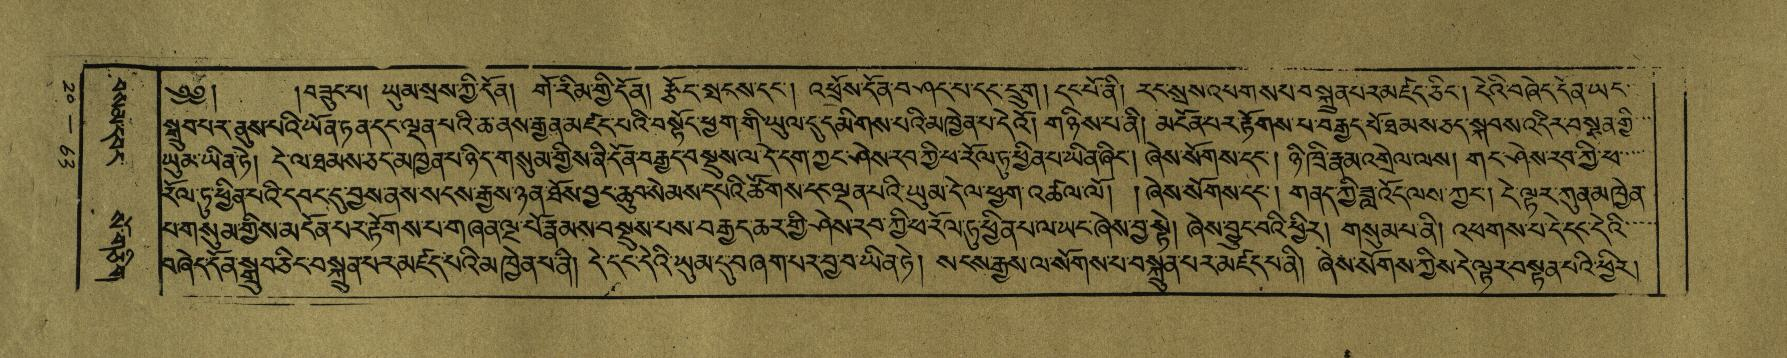༄༅། །བཟུང་པ། ཡུམ་སྲས་ཀྱི་དོན། གོ་རིམ་གྱི་དོན། རྩོད་སྤངས་དང་། འཕྲོས་དོན་བཤད་པ་དང་དྲུག། དང་པོ་ནི། རང་སྲས་འཕགས་པ་བསྐྲུན་པར་མཛད་ཅིང་། དེའི་བཞེད་དོན་ཡང་
སྒྲུབ་པར་ནུས་པའི་ཡོན་ཏན་དང་ལྡན་པའི་ཆ་ནས་རྒྱན་མཛད་པའི་བསྟོང་ཕྱག་གི་ཡུལ་དུ་དམིགས་པའི་མཁྱེན་པ་དེའོ། གཉིས་པ་ནི། མངོན་པར་རྟོགས་པ་བརྒྱད་པོ་ཐམས་ཅད་སྐབས་འདིར་བསྟན་གྱི་
ཡུམ་ཡིན་ཏེ། དེ་ལ་ཐམས་ཅད་མཁྱན་པ་ཉིད་གསུམ་གྱིས་ནི་དོན་བརྒྱད་བསྡུས་ལ་དེ་དག་ཀྱང་ཤེས་རབ་ཀྱི་ཕ་རོལ་ཏུ་ཕྱིན་པ་ཡིན་ཞིང་། ཞེས་སོགས་དང་། ཉི་ཁྲི་རྣམ་འགྲེལ་ལས། གང་ཤེས་རབ་ཀྱི་ཕ་
རོལ་ཏུ་ཕྱིན་པའི་དབང་དུ་བྱས་ནས་སངས་རྒྱས་ཉན་ཐོས་བྱང་ཆུབ་སེམས་དཔའི་ཚོགས་དང་ལྡན་པའི་ཡུམ་དེ་ལ་ཕྱག་འཚལ་ལོ། །ཞེས་སོགས་དང་། གནད་ཀྱི་ཟླ་འོད་ལས་ཀྱང་། དེ་ལྟར་ཀུན་མཁྱེན་
པ་གསུམ་གྱིས་མངོན་པར་རྟོགས་པ་གཞན་ལྔ་པོ་རྣམས་བསྡུས་པས་བརྒྱད་ཆར་གྱི་ཤེས་རབ་ཀྱི་ཕ་རོལ་ཏུ་ཕྱིན་པ་ལ་ཡང་ཞེས་བྱ་སྟེ། ཞེས་བྱུང་བའི་ཕྱིར། གསུམ་པ་ནི། འཕགས་པ་དེ་དང་དེའི་
བཞེད་དོན་སྒྲུབ་ཅིང་བསྐྲུན་པར་མཛད་པའི་མཁྱེན་པ་ནི། དེ་དང་དེའི་ཡུམ་དུ་བཞག་པར་བྱ་བ་ཡིན་ཏེ། སངས་རྒྱས་ལ་སོགས་པ་བསྐྲུན་པར་མཛད་པ་ནི། ཞེས་སོགས་ཀྱིས་དེ་ལྟར་བསྟན་པའི་ཕྱིར།